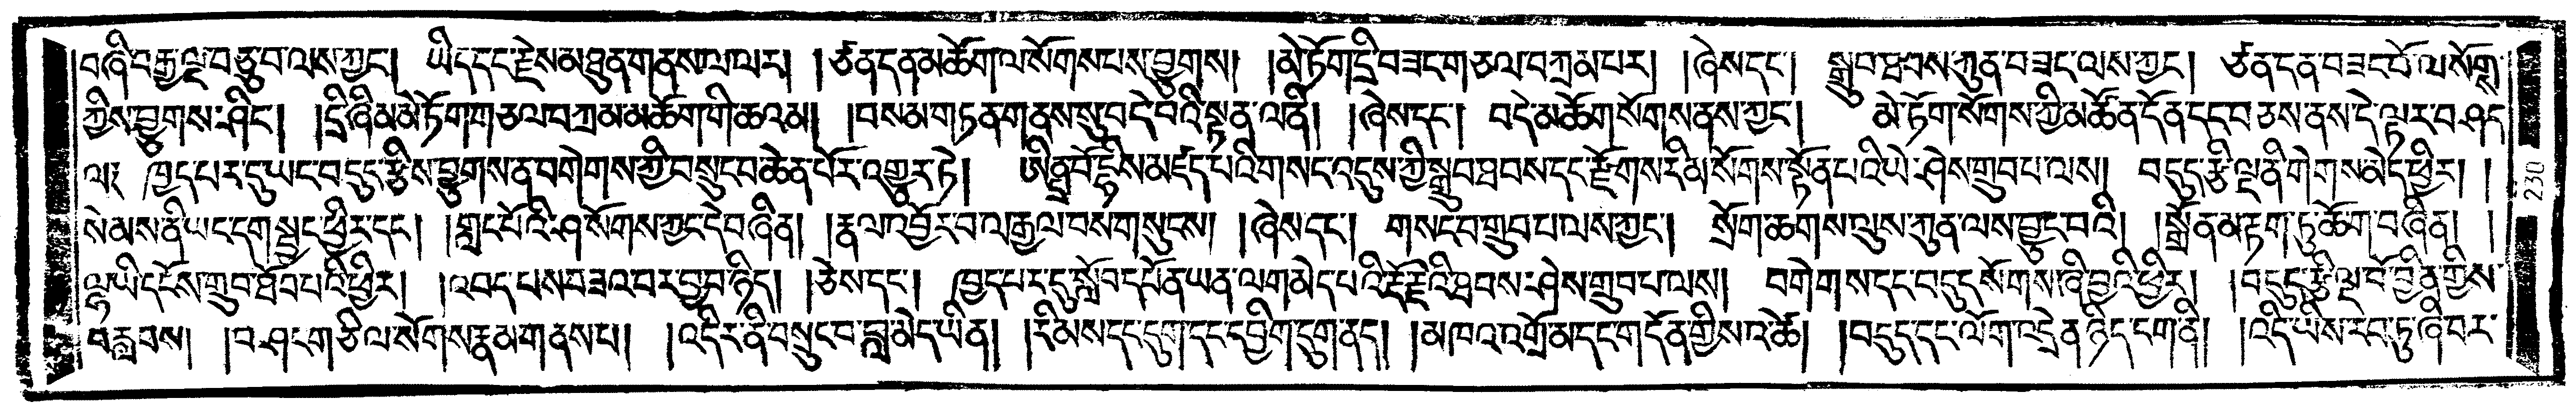བཞི་བརྒྱ་ལྔ་བཅུ་པ་ལས་ཀྱང་། ཡིད་དང་རྗེས་མཐུན་གནས་ལ་ལར། །ཙན་དན་མཆོག་ལ་སོགས་པས་བྱུགས། །མེ་ཏོག་དྲི་བཟང་གཅལ་བཀྲམ་པར། །ཞེས་དང་། སྒྲུབ་ཐབས་ཀུན་བཟང་ལས་ཀྱང་། ཙན་དན་བཟང་པོ་ལ་སོགས་
ཀྱིས་བྱུགས་ཤིང་། །དྲི་ཞིམ་མེ་ཏོག་གཅལ་བཀྲམ་མཆོག་གི་ཆའམ། །བསམ་གཏན་གནས་སུ་བདེ་བའི་སྟན་ལ་ནི། །ཞེས་དང་། བདེ་མཆོག་སོགས་ནས་ཀྱང་། མེ་ཏོག་སོགས་ཀྱི་མཚོན་དོན་དང་བཅས་ནས་དེ་ལྟར་བཤད་
ལ༑ ཁྱད་པར་དུ་ཡང་བདུད་རྩིས་བྱུགས་ན་བགེགས་ཀྱི་བསྲུང་བ་ཆེན་པོར་འགྱུར་ཏེ། ཨིནྡྲ་བོ་དྷིས་མཛད་པའི་གསང་འདུས་ཀྱི་སྒྲུབ་ཐབས་དང་རྫོགས་རིམ་སོགས་སྟོན་པའི་ཡེ་ཤེས་གྲུབ་པ་ལས། བདུད་རྩི་ལྔ་ནི་གེགས་མེད་ཕྱིར། །
སེམས་ནི་ཡང་དག་སྦྱང་ཕྱིར་དང་། །གླང་པོའི་ཤ་སོགས་ཀྱང་དེ་བཞིན། །རྣལ་འབྱོར་བ་ལ་རྒྱལ་བས་གསུངས། །ཞེས་དང་། གསང་བ་གྲུབ་པ་ལས་ཀྱང་། སྲོག་ཆགས་ལུས་ཀུན་ལས་བྱུང་བའི། །སྒྲོན་མ་རྟག་ཏུ་ཆོ་ག་བཞིན། །
ལྷ་ཡི་དངོས་གྲུབ་ཐོབ་པའི་ཕྱིར། །འབད་པས་བཟའ་བར་བྱ་བ་ཉིད། །ཅེས་དང་། ཁྱད་པར་དུ་སློབ་དཔོན་ཡན་ལག་མེད་པའི་རྡོ་རྗེའི་ཐབས་ཤེས་གྲུབ་པ་ལས། བགེགས་དང་བདུད་སོགས་ཞི་བྱའི་ཕྱིར། །བདུད་རྩི་ལྔ་པོ་བྱིན་གྱིས་
བརླབས། །བཤང་གཅི་ལ་སོགས་རྣམ་གནས་པ། །འདིར་ནི་བསྲུང་བ་བླ་མེད་ཡིན། །རིམས་དང་དུག་དང་དབྱིག་དུག་ནད། །མཁའ་འགྲོ་མ་དང་གདོན་གྱིས་འཚེ། །བདུད་དང་ལོག་འདྲེན་ཉིད་དག་ནི། །འདི་ཡིས་རབ་ཏུ་ཞི་བར་